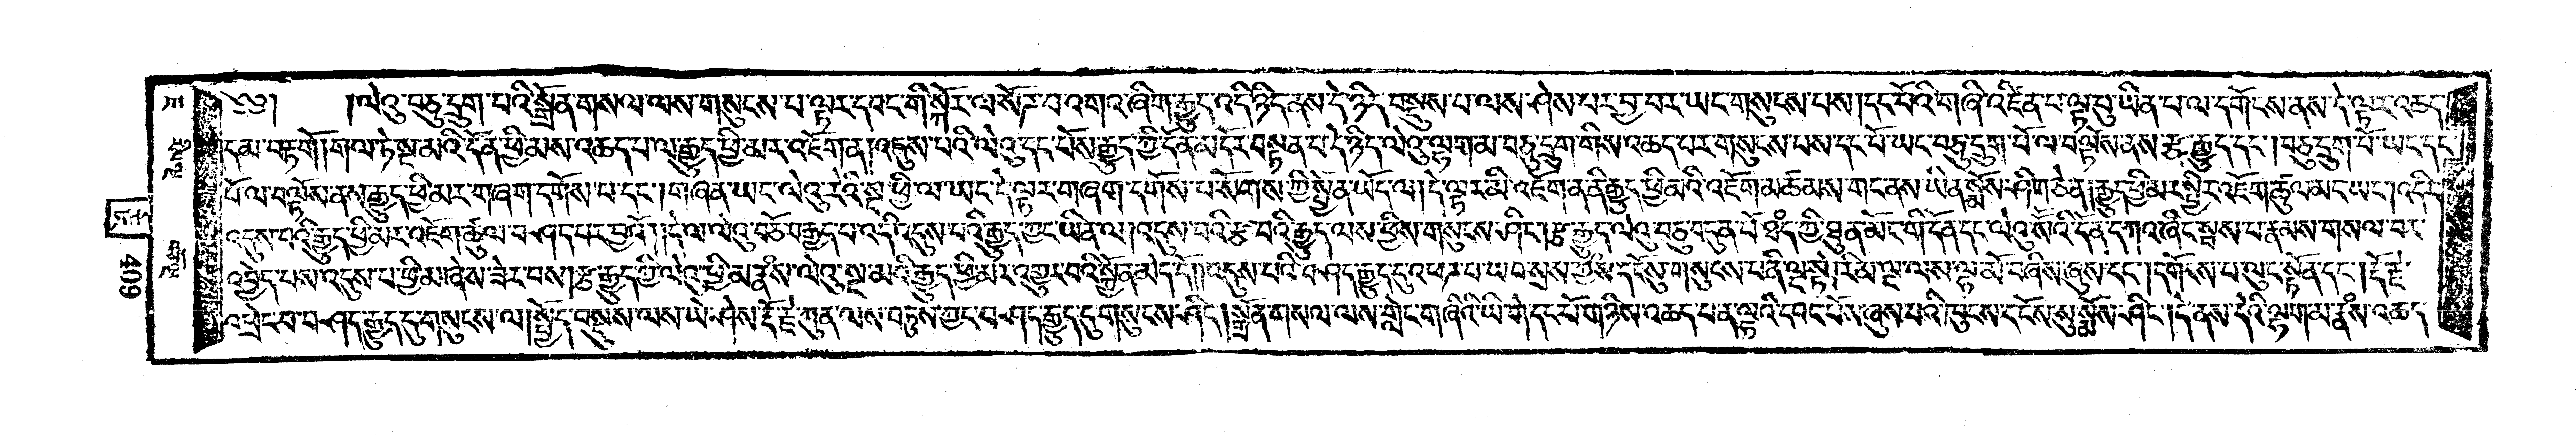༄༅། །ལེའུ་བཅུ་དྲུག་པའི་སྒྲོན་གསལ་ལས་གསུངས་པ་ལྟར་དབང་གི་སྐོར་ལ་སོགས་པ་འགའ་ཞིག་རྒྱུད་འདི་ཉིད་ནས་དེ་ཉིད་བསྡུས་པ་ལས་ཤེས་པར་བྱ་བར་ཡང་གསུངས་པས། དང་པོའི་གཞི་འཛིན་པ་ལྟ་བུ་ཡིན་པ་ལ་དགོངས་ནས་དེ་ལྟར་འཆད་
དམ་བརྟག་གོ །གལ་ཏེ་སྔ་མའི་དོན་ཕྱི་མས་འཆད་པ་ལ་རྒྱུད་ཕྱི་མར་འཇོག་ན། འདུས་པའི་ལེའུ་དང་པོས་རྒྱུད་ཀྱི་དོན་མདོར་བསྟན་པ་དེ་ཉིད་ལེའུ་ལྷག་མ་བཅུ་དྲུག་གིས་འཆད་པར་གསུངས་པས་དང་པོ་ཡང་བཅུ་དྲུག་པོ་ལ་བལྟོས་ནས་རྩ་རྒྱུད་དང་། བཅུ་དྲུག་པོ་ཡང་དང་
པོ་ལ་བལྟོས་ནས་རྒྱུད་ཕྱི་མར་གཞག་དགོས་པ་དང་། གཞན་ཡང་ལེའུ་རཻའི་སྔ་ཕྱི་ལ་ཡང་དེ་ལྟར་གཞག་དགོས་པ་སོགས་ཀྱི་སྐྱོན་ཡོད་ལ། དེ་ལྟར་མི་འཇོག་ན་ནི་རྒྱུད་ཕྱི་མའི་འཇོག་མཚམས་གང་ནས་ཡིན་སྨོས་ཤིག་ཅེ་ན། རྒྱུད་ཕྱི་མར་སྤྱིར་འཇོག་ཚུལ་མང་ཡང་། འདིར་
འདུས་པའི་རྒྱུད་ཕྱི་མར་འཇོག་ཚུལ་བཤད་པར་བྱའོ། །དེ་ལ་ལེའུ་བཅོ་བརྒྱད་པ་འདི་འདུས་པའི་རྒྱུད་ཀྱང་ཡིན་ལ། འདུས་པའི་རྩ་བའི་རྒྱུད་ལས་ཕྱིས་གསུངས་ཤིང་། རྩ་རྒྱུད་ལེའུ་བཅུ་བདུན་པོ་ཐམས་ཅད་ཀྱི་ཐུན་མོང་གི་དོན་དང་ལེའུ་སཽའི་དོན་དཀའ་ཞིང་སྦས་པ་རྣམས་གསལ་བར་
འབྱེད་པས་འདུས་པ་ཕྱི་མ་ཞེས་ཟེར་བས། རྩ་རྒྱུད་ཀྱི་ལེའུ་ཕྱི་མ་རྣམས་ལེའུ་སྔ་མའི་རྒྱུད་ཕྱི་མར་འགྱུར་བའི་སྐྱོན་མེད་དོ། །འདུས་པའི་བཤད་རྒྱུད་དུ་འཕགས་པ་ཡབ་སྲས་ཀྱིས་དངོས་སུ་གསུངས་པ་ནི་ལྔ་སྟེ། རིམ་ལྔ་ལས་ལྷ་མོ་བཞིས་ཞུས་དང་། དགོངས་པ་ལུང་སྟོན་དང་། རྡོ་རྗེ་
འཕྲེང་བ་བཤད་རྒྱུད་དུ་གསུངས་ལ། སྤྱོད་བསྡུས་ལས་ཡེ་ཤེས་རྡོ་རྗེ་ཀུན་ལས་བཏུས་ཀྱང་བཤད་རྒྱུད་དུ་གསུངས་ཤིང་། སྒྲོན་གསལ་ལས་གླེང་གཞིའི་ཡི་གེ་དང་པོ་གཉིས་འཆད་པ་ན་ལྷའི་དབང་པོས་ཞུས་པའི་ཁུངས་དངོས་སུ་སྨོས་ཤིང་། དེ་ནས་དེའི་ལྷག་མ་རྣམས་འཆད་